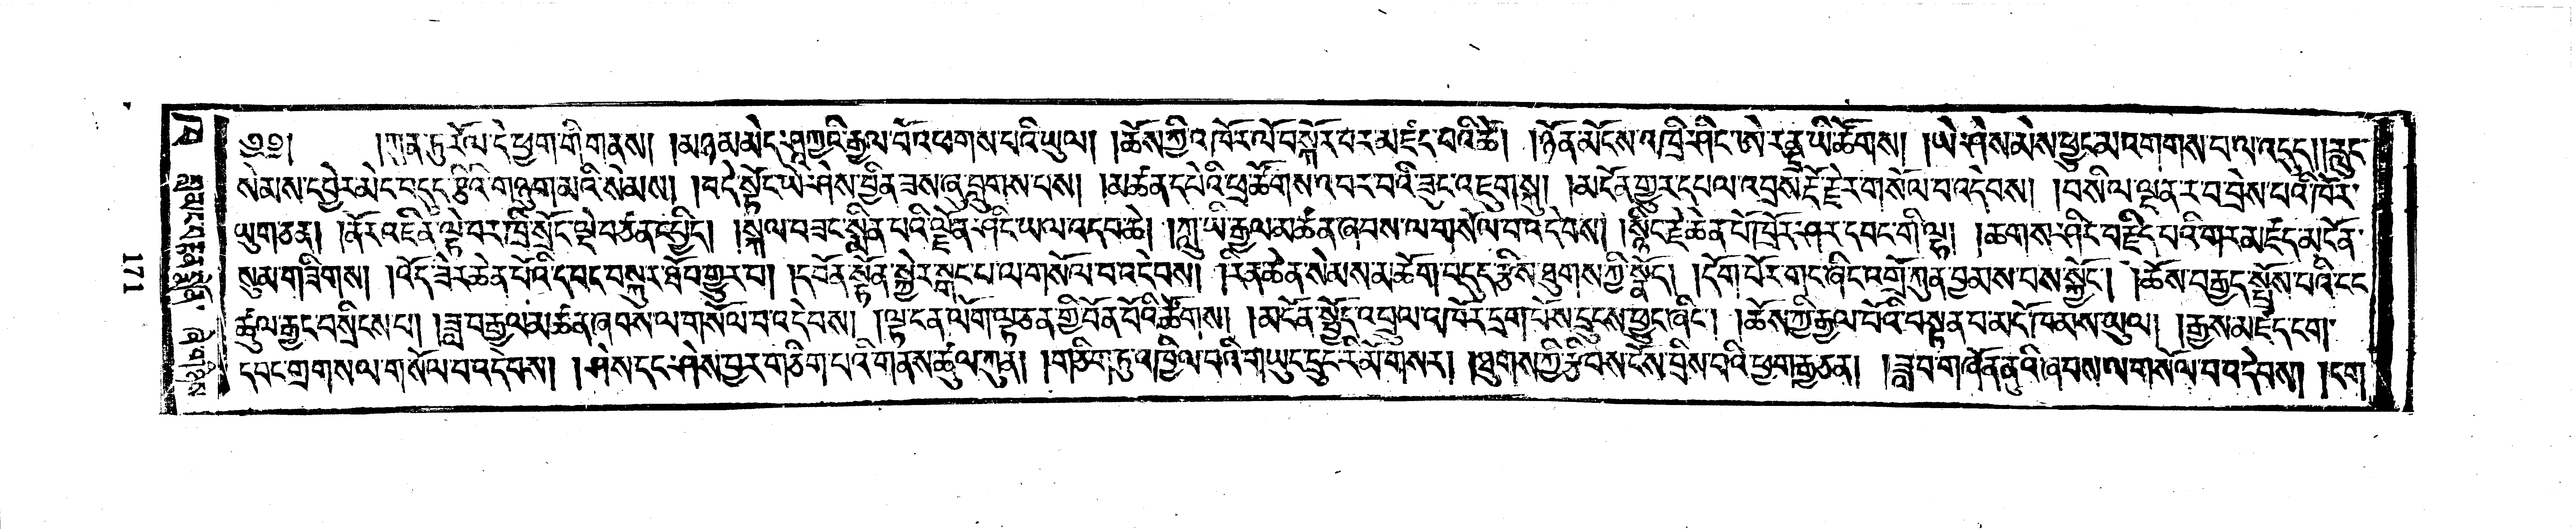༄༅། །ཀུན་ཏུ་རོལ་དེ་ཕྱག་གི་གནས། །མཉམ་མེད་ཤཱཀྱའི་རྒྱལ་པོ་འཕགས་པའི་ཡུལ། །ཆོས་ཀྱི་འཁོར་ལོ་བསྐོར་བར་མཛད་པའི་ཚེ། །ཉོན་མོངས་འཁྲི་ཤིང་ཨེ་རནྡྲ་ཡི་ཚོགས། །ཡེ་ཤེས་མེས་ཕྱུང་མ་འགགས་པ་ལ་འདུད། །རླུང་
སེམས་དབྱེར་མེད་བདུད་རྩིའི་གཉུག་མའི་སེམས། །བདེ་སྟོང་ཡེ་ཤེས་བྱིན་ཟས་ཞུ་བླུགས་པས། །མཚན་དཔེའི་ཕྲ་ཚོགས་འབར་བའི་ཟུང་འཇུག་སྐུ། །མངོན་གྱུར་དཔལ་འབྲས་རྡོ་རྗེར་གསོལ་བ་འདེབས། །བསིལ་ལྡན་ར་བ་བྲེས་པའི་ཁོར་
ཡུག་ཅན། །ནོར་འཛིན་ལྟེ་བར་ཁྲི་སྲོང་ལྡེ་བཙན་དཔྱིད། །སྐལ་བཟང་སྨིན་པའི་ལྗོན་ཤིང་ཡལ་འདབ་ཆེ། །ཀླུ་ཡི་རྒྱལ་མཚན་ཞབས་ལ་གསོལ་བ་འདེབས། །སྙིང་རྗེ་ཆེན་པོ་ཁྲོར་ཤར་དབང་གི་ལྷ། །ཆགས་ཤིང་བརྗིད་པའི་གར་མཛད་མངོན་
སུམ་གཟིགས། །འོད་ཟེར་ཆེན་པོའི་དབང་བསྐུར་ཐོབ་གྱུར་པ། །དབོན་སྟོན་སྐྱེར་སྒང་པ་ལ་གསོལ་བ་འདེབས། །རིན་ཆེན་སེམས་མཆོག་བདུད་རྩིས་ཐུགས་ཀྱི་སྣོད། །དོག་པོར་གང་ཞིང་འགྲོ་ཀུན་བྱམས་པས་སྐྱོང་། །ཆོས་བརྒྱད་སྤྲོས་པའི་ངང་
ཚུལ་རྒྱང་བསྲིངས་པ། །ཟླ་བ་རྒྱལ་མཚན་ཞབས་ལ་གསོལ་བ་འདེབས། །ལྟ་ངན་ལོག་ལྟ་ཅན་གྱི་བོན་བོའི་ཚོགས། །མངོན་སྤྱོད་འབྲུལ་འཁོར་དྲག་པོས་དྲུངས་ཕྱུང་ཞིང་། །ཆོས་ཀྱི་རྒྱལ་པོའི་བསྟན་པ་མདོ་ཁམས་ཡུལ། །རྒྱས་མཛད་ངག་
དབང་གྲགས་ལ་གསོལ་བ་འདེབས། །ཤེས་དང་ཤེས་བྱར་གཅིག་པའི་གནས་ཚུལ་ཀུན། །གཅིག་ཏུ་འཁྱིལ་བའི་གཡུང་དྲུང་རི་མོ་གསར། །ཐུགས་ཀྱི་རྩིབས་ངོས་བྲིས་བའི་ཕྱག་རྒྱ་ཅན། །ཟླ་བ་གཞོན་ནུའི་ཞབས་ལ་གསོལ་བ་འདེབས། །ངག་